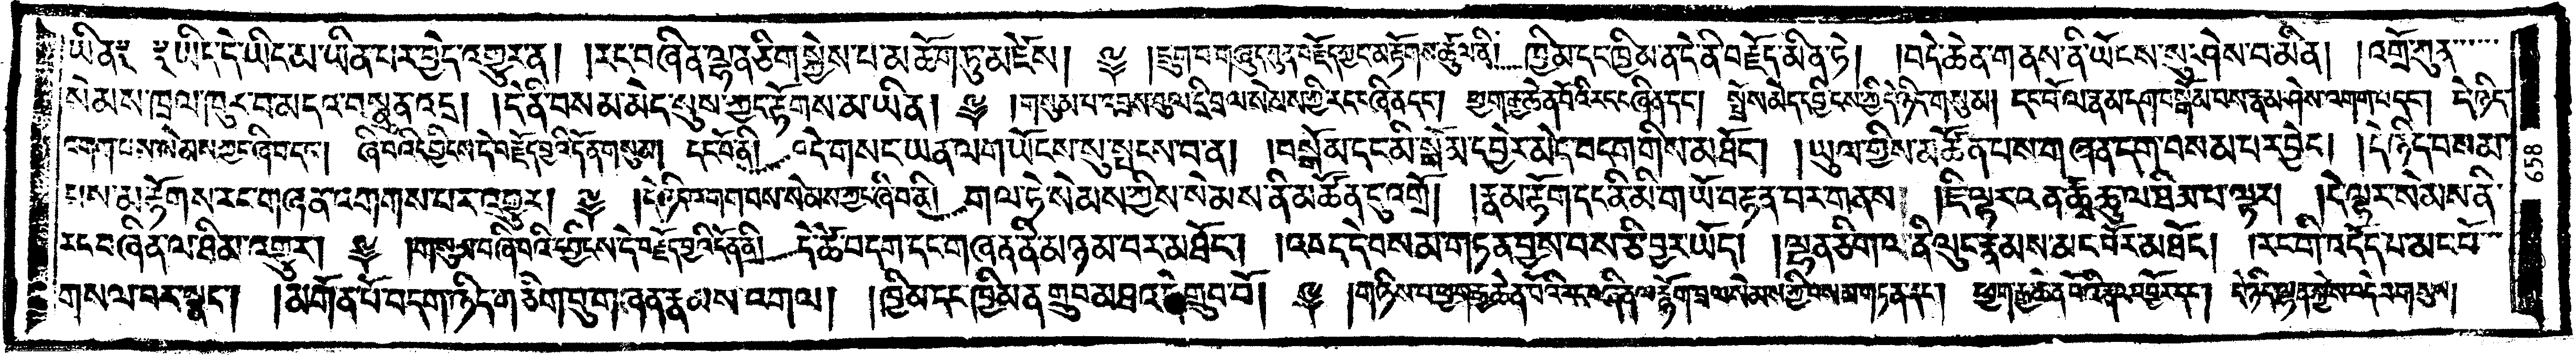ཡིན༑ ༑ཡིད་དེ་ཡིད་མ་ཡིན་པར་བྱེད་འགྱུར་ན། །རང་བཞིན་ལྷན་ཅིག་སྐྱེས་པ་མཆོག་ཏུ་མཛོས། ༈ །དྲུག་བ་གཞུང་ཀུན་བརྗོད་ཀྱང་མ་རྟོགས་ཚུལ་ནི། ཁྱིམ་དང་ཁྱིམ་ན་དེ་ནི་བརྗོད་མིན་ཏེ། །བདེ་ཆེན་གནས་ནི་ཡོངས་སུ་ཤེས་བ་མིན། །འགྲོ་ཀུན་
སེམས་ཁྲལ་ཁུར་བ་མདའ་བསྣུན་འདྲ། །དེ་ནི་བསམ་མེད་སུས་ཀྱང་རྟོགས་མ་ཡིན། ༈ །གསུམ་པ་འབྲས་བུལ་དྲི་བྲལ་སེམས་ཀྱི་རང་བཞིན་དང་། ཕྱག་རྒྱ་ཆེན་བོའི་རང་བཞིན་དང་། སྤྲོས་མེད་དབྱིངས་ཀྱི་དེ་ཉིད་གསུམ། དང་པོ་ལ་རྣམ་དག་བསྒོམ་པས་རྣམ་ཤེས་འགག་བ་དང་། དེ་ཉིད་
འགག་པས་སེམས་ཀྱང་ཞི་བ་དང་། ཞི་བའི་དབྱིངས་དེ་བརྗོད་བྱའི་དོན་གསུམ། དང་བོ་ནི། འདེ་གསང་ཡན་ལག་ཡོངས་སུ་སྤངས་བ་ན། །བསྒོམ་དང་མི་སྒོམ་དབྱེར་མེད་བདག་གིས་མཐོང་། །ཡུལ་གྱིས་མཚོན་པས་གཞན་དག་བསམ་པར་བྱེད། །དེ་ཉིད་བསམ་
པས་མ་རྟོགས་རང་གཞན་འགགས་པར་འགྱུར། ༈ །དེ་ཉིད་འགག་བས་སེམས་ཀྱང་ཞི་བ་ནི། གལ་ཏེ་སེམས་ཀྱིས་སེམས་ནི་མཚོན་དུ་འགྲོ། །རྣམ་རྟོག་དང་ནི་མི་གཡོ་བརྟན་པར་གནས། །ཇི་ལྟར་ལན་ཚྭ་ཆུ་ལ་ཐིམ་པ་ལྟར། །དེ་ལྟར་སེམས་ནི་
རང་བཞིན་ལ་ཐིམ་འགྱུར། ༈ །གསུམ་བཞི་བའི་དབྱིངས་དེ་བརྗོད་བྱའི་དོན་ནི། དེ་ཚེ་བདག་དང་གཞན་ནི་མཉམ་བར་མཐོང་། །འབད་དེ་བསམ་གཏན་བྱས་བས་ཅི་བྱར་ཡོད། །ལྷན་ཅིག་ལ་ནི་ལུང་རྣམས་མང་བོར་མཐོང་། །རང་གི་འདོད་པ་མང་པོ་
གསལ་བར་སྣང་། །མགོན་པོ་བདག་ཉིད་གཅིག་བུ་གཞན་རྣམས་འགལ། །ཁྱིམ་དང་ཁྱིམ་ན་གྲུབ་མཐའ་དེ་གྲུབ་བོ། ༈ །གཉིས་པ་ཕྱག་རྒྱ་ཆེན་པོའི་རང་བཞིན་པ་རྙོག་བྲལ་སེམས་ཀྱི་བསམ་གཏན་དང་། ཕྱག་རྒྱ་ཆེན་པོའི་རྣམ་འབྱོར་དང་། དེ་ཉིས་ལྷན་སྐྱེས་བདབ་གསུས།